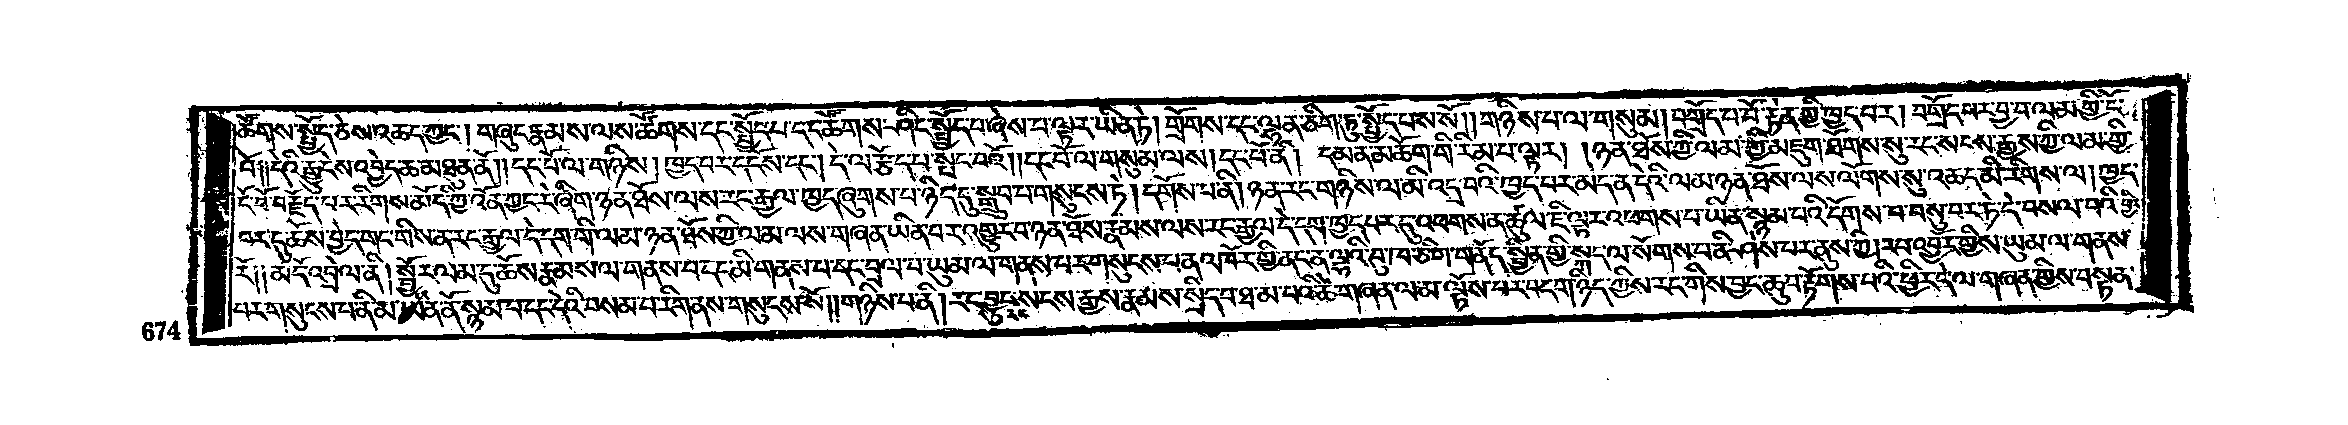ཚོགས་སྤྱོད་ཅེས་འཆད་ཀྱང་། གཞུང་རྣམས་ལས་ཚོགས་དང་སྤྱོད་པ་དང་ཚོགས་ཤིང་སྤྱོད་པ་ཞེས་པ་ལྟར་ཡིན་ཏེ། གོགས་དང་ལྷན་ཅིག་ཏུ་སྤྱོད་པས་སོ། །གཉིས་པ་ལ་གསུམ། བགྲོད་པ་པོ་རྟེན་གྱི་ཁྱད་པར། བགྲོད་པར་བྱ་བ་ལམ་གྱི་ངོ་
བོ། །དེའི་རྒྱུ་ངེས་འབྱེད་ཆ་མཐུན་ནོ། །དང་པོ་ལ་གཉིས། ཁྱད་པར་དངོས་དང་། དེ་ལ་རྩོད་པ་སྤང་བའོ། །དང་པོ་ལ་གསུམ་ལས། དང་པོ་ནི། དམན་མཆོག་གི་རིམ་པ་ལྟར། །ཉན་ཐོས་ཀྱི་ལམ་གྱི་མཇུག་ཐོགས་སུ་རང་སངས་རྒྱས་ཀྱི་ལམ་གྱི་
ངོ་བོ་བརྗོད་པར་རིགས་མོད་ཀྱི་འོན་ཀྱང་རེ་ཞིག་ཉན་ཐོས་ལས་རང་རྒྱལ་ཁྱད་ཞུགས་པ་ཉིད་དུ་སྒྲུབ་པ་གསུངས་ཏེ། དགོས་པ་ནི། ཉན་རང་གཉིས་ལ་མི་འདྲ་བའི་ཁྱད་པར་མེད་ན་དེའི་ལམ་ཉན་ཐོས་ལས་ལོགས་སུ་འཆད་མི་རིགས་ལ། ཁྱད་
པར་དུ་ཆོས་བྱེད་གང་གིས་ན་རང་རྒྱལ་དེ་དག་གི་ལམ་ཉན་ཐོས་ཀྱི་ལམ་ལས་གཞན་ཡིན་པར་འགྱུར་བ་ཉན་ཐོས་རྣམས་ལས་རང་རྒྱལ་དེ་དག་ཁྱད་པར་དུ་འཕགས་ན་ཚུལ་ཇི་ལྟར་འཕགས་པ་ཡིན་སྙམ་པའི་དོགས་པ་བསུ་བར་ཏེ་དེ་བསལ་བའི་ཕྱིར་
རོ། །མདོ་འབྲེལ་ནི། སྦྱོར་ལམ་དུ་ཆོས་རྣམས་ལ་གནས་པ་དང་མི་གནས་པ་དང་བྲལ་བ་ཡུམ་ལ་གནས་པར་གསུངས་པ་ན་འཁོར་གྱི་ནང་ན་ལྷའི་བུ་ཁ་ཅིག་གནོད་སྦྱིན་གྱི་སྐད་ལ་སོགས་པ་ནི་ཤེས་པར་ནུས་ཀྱི། རབ་འབྱོར་གྱིས་ཡུམ་ལ་གནས་
པར་གསུངས་པ་ནི་མ་ཡིན་ནོ་སྙམ་པ་དང་དེའི་བསམ་པ་རིག་ནས་གསུངས་སོ། །གཉིས་པ་ནི། རང་བྱུང་རང་སངས་རྒྱས་རྣམས་སྲིད་པ་ཐ་མ་པའི་ཚེ་གཞན་ལ་མ་ལྟོས་པར་བདག་ཉིད་ཀྱིས་རང་གིས་བྱང་ཆུབ་རྟོགས་པའི་ཕྱིར་དེ་ལ་གཞན་གྱིས་བསྟན་